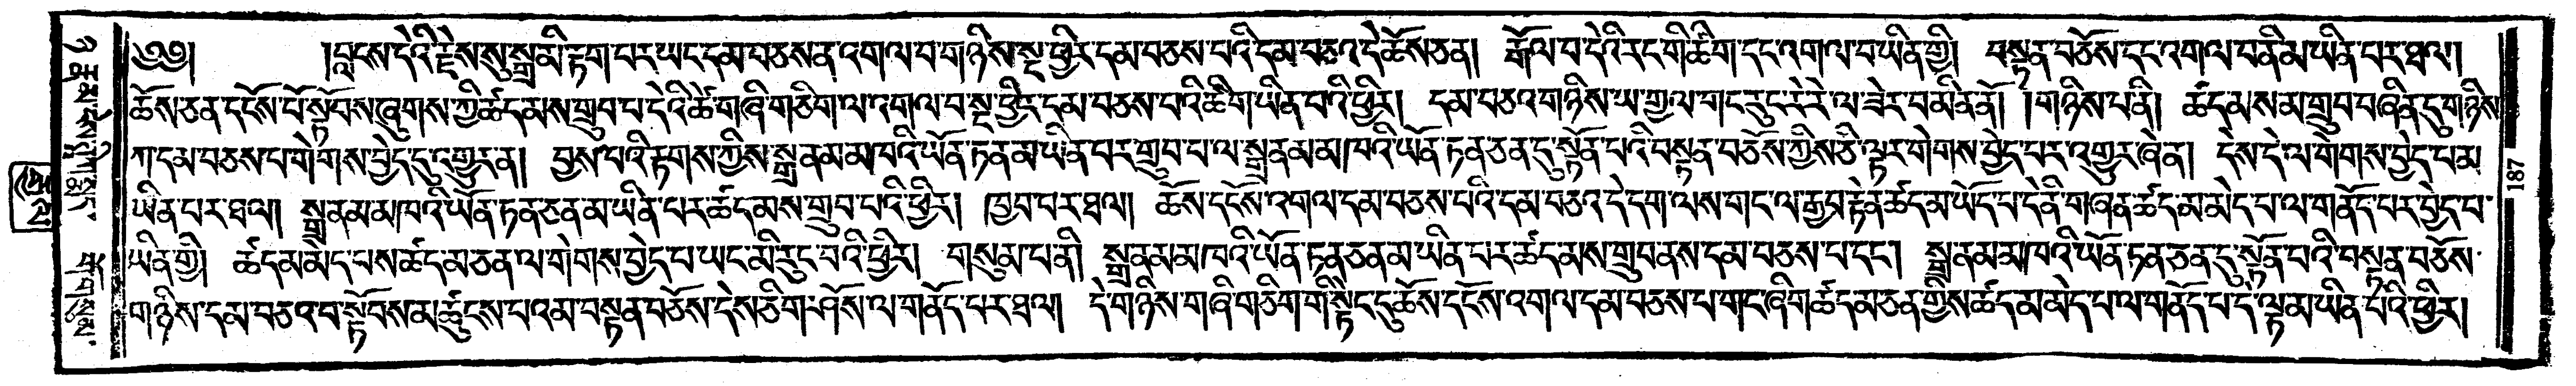༄༅། །བླངས་དེའི་རྗེས་སུ་སྒྲ་མི་རྟག་པར་ཡང་དམ་བཅས་ན་འགལ་བ་གཉིས་སྔ་ཕྱིར་དམ་བཅས་པའི་དམ་བཅའ་དེ་ཆོས་ཅན། རྒོལ་བ་དེའི་རང་གི་ཚིག་དང་འགལ་བ་ཡིན་གྱི། བསྟན་བཅོས་དང་འགལ་བ་ནི་མ་ཡིན་པར་ཐལ།
ཆོས་ཅན་དངོས་པོ་སྟོབས་ཞུགས་ཀྱི་ཚད་མས་གྲུབ་པ་དེའི་ཚེ་གཞི་གཅིག་ལ་འགལ་བ་སྔ་ཕྱིར་དམ་བཅས་པའི་ཚིག་ཡིན་པའི་ཕྱིར། དམ་བཅའ་གཉིས་ཡ་གྱལ་གང་རུང་རེ་རེ་ལ་ཟེར་བ་མིན་ནོ། །གཉིས་པ་ནི། ཚད་མས་མ་གྲུབ་བཞིན་དུ་གཉིས་
ཀ་དམ་བཅས་པ་གེགས་བྱེད་དུ་འགྱུར་ན། བྱས་པའི་རྟགས་ཀྱིས་སྒྲ་ནམ་མཁའི་ཡོན་ཏན་མ་ཡིན་པར་གྲུབ་པ་ལ་སྒྲ་ནམ་མཁའི་ཡོན་ཏན་ཅན་དུ་སྟོན་པའི་བསྟན་བཅོས་ཀྱིས་ཅི་ལྟར་གེགས་བྱེད་པར་འགྱུར་ཞེ་ན། དེས་དེ་ལ་གེགས་བྱེད་པ་མ་
ཡིན་པར་ཐལ། སྒྲ་ནམ་མཁའི་ཡོན་ཏན་ཅན་མ་ཡིན་པར་ཚད་མས་གྲུབ་པའི་ཕྱིར། ཁྱབ་པར་ཐལ། ཆོས་དངོས་འགལ་དམ་བཅས་པའི་དམ་བཅའ་དེ་དག་ལས་གང་ལ་རྒྱབ་རྟེན་ཚད་མ་ཡོད་པ་དེ་ནི་གཞན་ཚད་མ་མེད་པ་ལ་གནོད་པར་བྱེད་པ་
ཡིན་གྱི། ཚད་མ་མེད་པས་ཚད་མ་ཅན་ལ་གེགས་བྱེད་པ་ཡང་མི་རུང་བའི་ཕྱིར། གསུམ་པ་ནི། སྒྲ་ནམ་མཁའི་ཡོན་ཏན་ཅན་མ་ཡིན་པར་ཚད་མས་གྲུབ་ནས་དམ་བཅས་པ་དང་། སྒྲ་ནམ་མཁའི་ཡོན་ཏན་ཅན་དུ་སྟོན་པའི་བསྟན་བཅོས་
གཉིས་དམ་བཅའ་བ་སྟོབས་མཚུངས་པའམ་བསྟན་བཅོས་དེས་ཅིག་ཤོས་ལ་གནོད་པར་ཐལ། དེ་གཉིས་གཞི་གཅིག་གི་སྟེང་དུ་ཆོས་དངོས་འགལ་དམ་བཅས་པ་གང་ཞིག་ཚད་མ་ཅན་གྱིས་ཚད་མ་མེད་པ་ལ་གནོད་པ་དེ་ལྟ་མ་ཡིན་པའི་ཕྱིར།